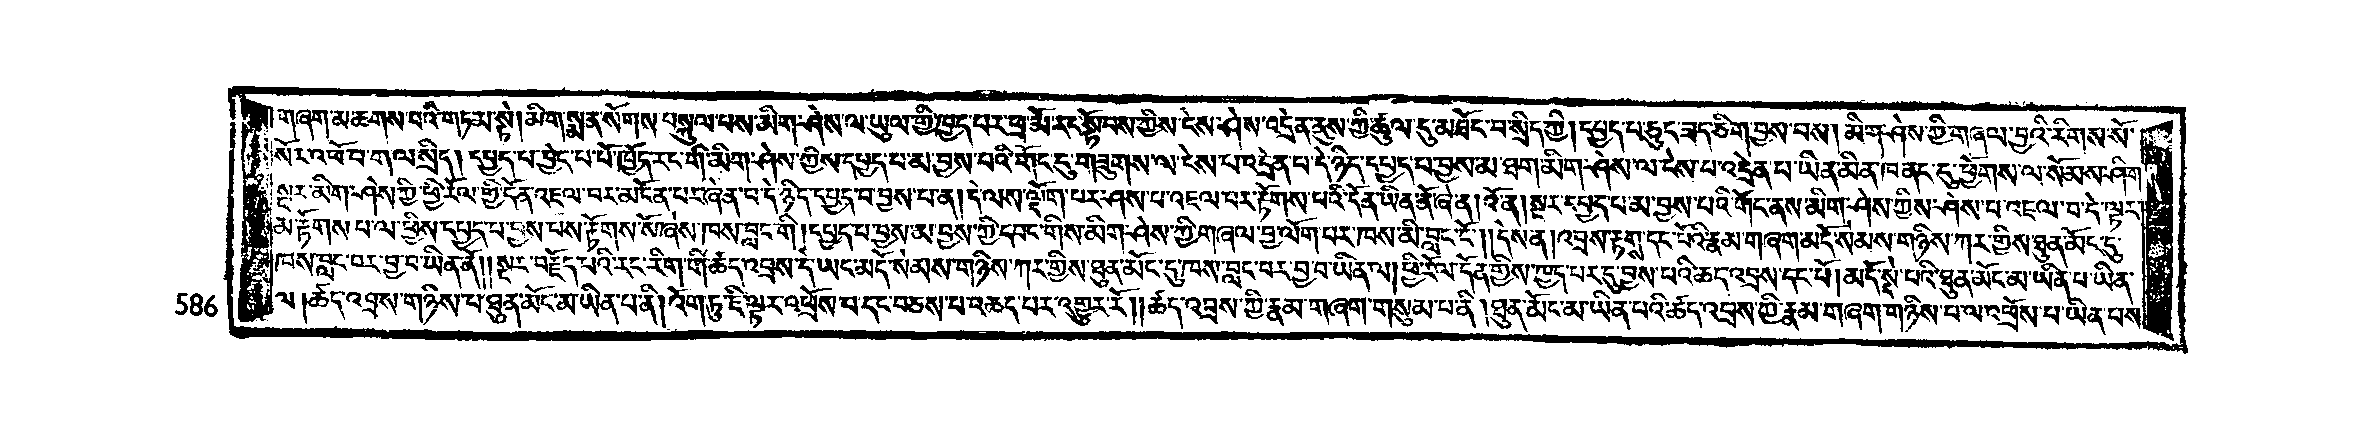གཞག་མ་ཆགས་པའི་གཏམ་སྟེ། མིག་སྨན་སོགས་བསྐུལ་པས་མིག་ཤེས་ལ་ཡུལ་གྱི་ཁྱད་པར་ཕྲ་མོ་རང་སྟོབས་ཀྱིས་ངེས་ཤེས་འདྲེན་ནུས་ཀྱི་ཚུལ་དུ་མཐོང་བ་སྲིད་ཀྱི། དཔྱད་པ་ཅུང་ཟད་ཅིག་བྱས་བས། མིག་ཤེས་ཀྱི་གཞལ་བྱའི་རིགས་སོ་
སོར་འཕོ་བ་ག་ལ་སྲིད། དཔྱད་པ་བྱེད་པ་པོ་ཁྱོད་རང་གི་མིག་ཤེས་ཀྱིས་དཔྱད་པ་མ་བྱས་པའི་གོང་དུ་གཟུགས་ལ་ངེས་པ་འདྲེན་པ་དེ་ཉིད་དཔྱད་པ་བྱས་མ་ཐག་མིག་ཤེས་ལ་ངེས་པ་འདྲེན་པ་ཡིན་མིན་ཁ་ནང་དུ་ཕྱོགས་ལ་སོམས་ཤིག་
སྔར་མིག་ཤས་ཀྱི་ཕྱི་རོལ་གྱི་དོན་འཇལ་བར་མངོན་པར་ཞེན་པ་དེ་ཉིད་དཔྱད་པ་བྱས་པ་ན། དེ་ལས་ལྡོག་པར་ཤས་པ་འཇལ་བར་རྟོགས་པའི་དོན་ཡིན་ནོ་ཞེ་ན། འོ་ན། སྔར་དཔྱད་པ་མ་བྱས་པའི་གོང་ནས་མིག་ཤེས་ཀྱིས་ཤེས་པ་འཇལ་བ་དེ་ལྟར་
མི་རྟོགས་པ་ལ་ཕྱིས་དཔྱད་པ་བྱས་པས་རྟོགས་སོ་ཞེས་ཁས་བླང་གི། དཔྱད་པ་བྱས་མ་བྱས་ཀྱི་དབང་གིས་མིག་ཤེས་ཀྱི་གཞལ་བྱ་ལོག་པར་ཁས་མི་བླང་ངོ། །དེས་ན། འབྲས་རྟགས་དང་པོའི་རྣམ་གཞག་མདོ་སེམས་གཉིས་ཀར་གྱིས་ཐུན་མོང་དུ་
ཁས་བླང་བར་བྱ་བ་ཡིན་ནོ། །སྔར་བརྗོད་པའི་རང་རིག་གི་ཚད་འབྲས་དེ་ཡང་མདོ་སེམས་གཉིས་ཀར་གྱིས་ཐུན་མོང་དུ་ཁས་བླང་བར་བྱ་བ་ཡིན་ལ། ཕྱི་རོལ་དོན་གྱིས་ཁྱད་པར་དུ་བྱས་པའི་ཚད་འབྲས་དང་པོ། མདོ་སྡེ་པའི་ཐུན་མོང་མ་ཡིན་པ་ཡིན་
ལ། ཚད་འབྲས་གཉིས་པ་ཐུན་མོང་མ་ཡིན་པ་ནི། འོག་ཏུ་ཇི་ལྟར་འཕྲོས་པ་དང་བཅས་པ་འཆད་པར་འགྱུར་རོ། །ཚད་འབྲས་ཀྱི་རྣམ་གཞག་གསུམ་པ་ནི། ཐུན་མོང་མ་ཡིན་པའི་ཚད་འབྲས་ཀྱི་རྣམ་གཞག་གཉིས་པ་ལ་འཕྲོས་པ་ཡིན་པས་